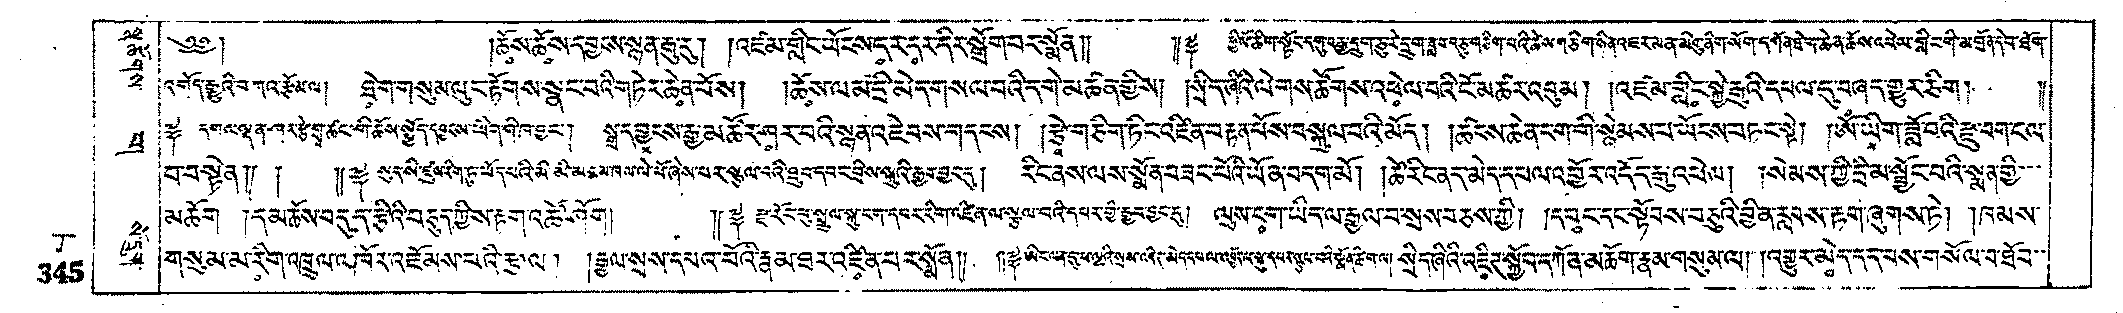༄༅། །ཆོས྾་ཆོས྾་དབྱངས་སྙན་རྒུ་རུ། །འཛམ་གླིང་ཡོངས་དར྾་དར྾་དིར་སྒྲོག་པར་སྨོན།། །། འ་ཕྱི་ལོ་ཆིག་སྟོང་དགུ་བརྒྱ་དྲུག་ཅུ་རེ་དྲུག་ཟླ་བ་བཅུ་གཅིག་པའི་ཚེས་གཅིག་ཉིན་འཇར་མན་མིའུ་ནིག་སོག་དགོན་ཐེག་ཆེན་ཆོས་འཕེལ་གླིང་གི་མགྲོན་དེབ་ཐོག་
འགོད་རྒྱུའི་བཀའ་རྩོམ་ལ། ཐེག྾་གསུམ་ལུང་རྟོགས་སྣང་བའི་གཏེར་ཆེན྾་པོས། །ཆོས྾་ལམ་དྲི་མེད་གསལ་བའི་དགེ་མཚན་གྱིས། །སྲིད་ཞིའི་ལེགས་ཚོགས་འཕེལ྾་བའི་ངོ་མཚར་འབུམ། །འཛམ་གླིང྾་སྐྱེ་རྒུའི་དཔལ་དུ་བཞད་གྱུར་ཅིག། །།
འ་དགའ་ལྡན་ཤར་རྩེ་གྲྭ་ཚང་གི་ཆོས་སྤྱོད་དབྱངས་ཡིག་གི་ཁ་བྱང་།  སྒྲ་དབྱངས྾་རྒྱ་མཚོར་ཤར྾་པའི་སྙན་འཇེབས་གདངས། །རྩེ྾་གཅིག་ཏིང་འཛིན་བརྟན་པོས་བསྐུལ་བའི་མོད། །ཚངས་ཆེན་ངག་གི་སྙེམས་པ་ཡོངས་བཏང་སྟེ། །ཨོཾ་ཡིག྾་ཟློ་བའི་རྫུ་བག་ངལ་
བ་བསྟེན།། །།། འ་སུད་སི་ཛུས་རིག་ཏུ་ཡོད་པའི་མི་མི་མ་དྷམ་ཁལ་ལེ་ཕོ་ཞེས་པར་སྩལ་བའི་ཐུབ་དབང་བྲིས་སྐུའི་རྒྱབ་བྱང་དུ།  རིང་ནས་ལས་སྨོན་བཟང་པོའི་ཡོན་ཏན་བདག་མོ། །ཚེ་རིང་ནད་མེད་དཔལ་འབྱོར་འདོད་རྒུ་འཕེལ། །སེམས་ཀྱི་དྲི་མ་སྦྱོང་བའི་སྨན་གྱི་་་
མཆོག །དམ་ཆོས་བདུད་རྩིའི་བཅུད་ཀྱིས་རྟག་འཚོ་ཤོག། །། འ་རྫ་རོང་ཕུ་སྤྲུལ་སྐུ་ངག་དབང་རིག་འཛིན་ལ་སྩལ་བའི་དཔར་གྱི་རྒྱབ་བྱང་དུ།  ལུས་ངག྾་ཡིད་ལ་རྒྱལ་བ་སྲས་བཅས་ཀྱི། །དབང྾་དང་སྟོབས་བཅུའི་བྱིན་རླབས་རྟག་ཞུགས་ཏེ། །ཁམས་
གསུམ་མ་རིག྾་འཁྲུལ་འཁོར་འཇོམས་པའི་རྩལ། །རྒྱལ་སྲས་དཔའ་བོའི་རྣམ་ཐར་འཛིན྾་པར་སྨོན།། །། འ་ཨིང་ལན་དུ་ཕ་ལྷའི་སྲས་འཇིཊ་མེད་དཔལ་འབྱོར་ལ་སྐུ་དཔར་སྩལ་བའི་སྨོན་ཚིག་ལ།  སྲིད་ཞིའི་འཇིཊ྾་སྐྱོབ་དཀོན་མཆོག་རྣམ་གསུམ་ལ། །འགྱུར་མེད྾་དད་པས་གསོལ་བ་ཐོབ་་་